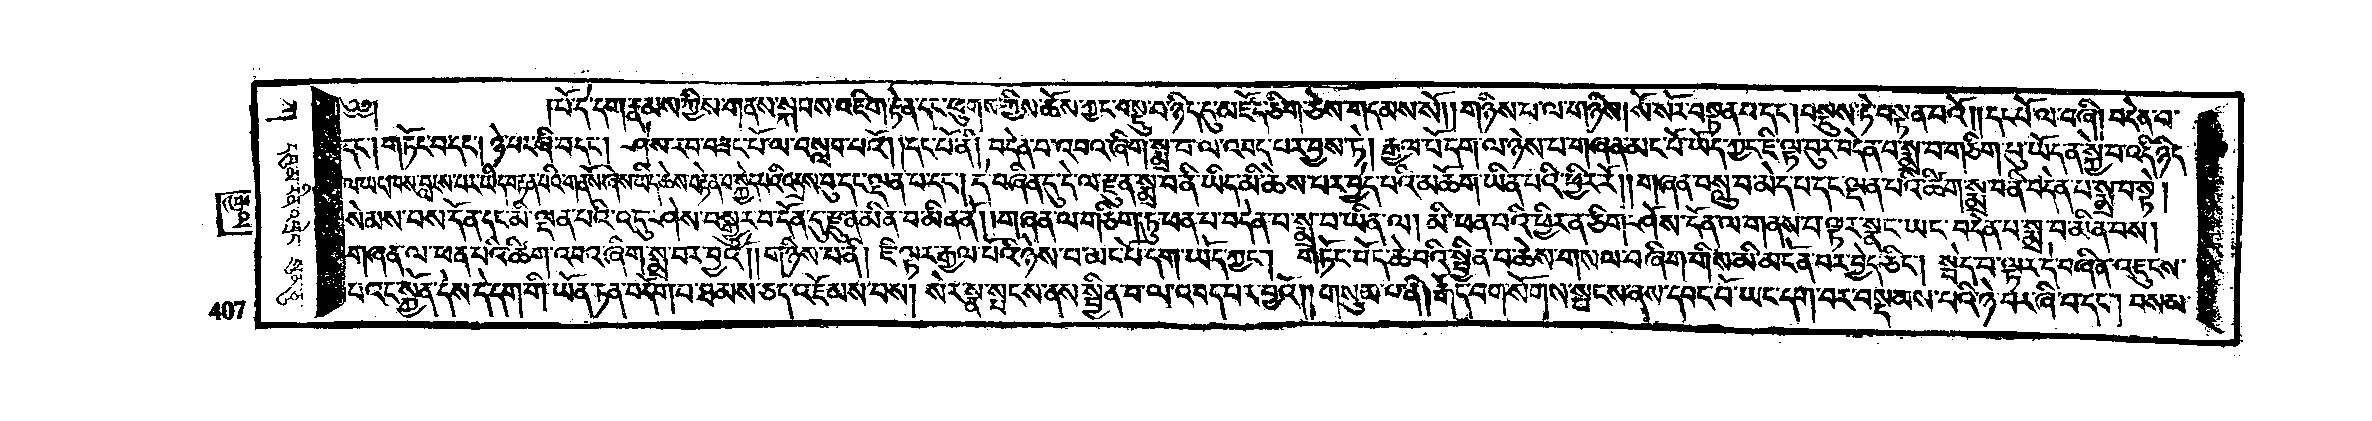༄༅། །པོ་དེ་དག་རྣམས་ཀྱིས་གནས་སྐབས་འཇིག་རྟེན་དང་ཕུགས་ཀྱིས་ཆོས་ཀྱང་བསྡུ་བ་ཉིད་དུ་མཛོད་ཅིག་ཅེས་གདམས་སོ། །གཉིས་པ་ལ་གཉིས། སོ་སོར་བསྟན་པ་དང་། བསྡུས་ཏེ་བསྟན་པའོ། །དང་པོ་ལ་བཞི། བདེན་པ་
དང་། གཏོང་བ་དང་། ཉེ་བར་ཞི་བ་དང་། ཤེས་རབ་བཟང་པོ་ལ་བསླབ་པའོ། །དང་པོ་ནི། བདེན་པ་འབའ་ཞིག་སྨྲ་བ་ལ་འབད་པར་བྱས་ཏེ། རྒྱལ་པོ་དག་ལ་ཉེས་པ་གཞན་མང་པོ་ཡོད་ཀྱང་ཇི་ལྟ་བུར་བདེན་པ་སྨྲ་བ་གཅིག་པུ་ཡོད་ན་སྐྱེ་བ་འདི་ཉིད་
ལ་ཡང་ཁས་བླངས་པར་ཡིད་བརྟན་པའི་གནས་སོ་ཞེས་ཡིད་ཆེས་བརྟེན་པ་སྐྱེད་པའི་འབྲས་བུ་དང་ལྡན་པ་དང་། དེ་བཞིན་དུ་དེ་ལ་རྫུན་སྨྲ་བ་ནི་ཡིད་མི་ཆེས་པར་བྱེད་པའི་མཆོག་ཡིན་པའི་ཕྱིར་རོ། །གཞན་བསླུ་བ་མེད་པ་དང་ལྡན་པའི་ཚིག་སྨྲ་བ་ནི་བདེན་པ་སྨྲ་བ་སྟེ།
སེམས་པས་དོན་དང་མི་ལྡན་པའི་འདུ་ཤེས་བསྒྱུར་བ་དོན་དུ་རྫུན་མིན་པ་མིན་ནོ། །གཞན་ལ་གཅིག་ཏུ་ཕན་པ་བདེན་པ་སྨྲ་བ་ཡིན་ལ། མི་ཕན་པའི་ཕྱིར་ན་ཅིག་ཤོས་དོན་ལ་གནས་པ་ལྟར་སྣང་ཡང་བདེན་པ་སྨྲ་བ་མིན་པས།
གཞན་ལ་ཕན་པའི་ཚིག་འབའ་ཞིག་སྨྲ་བར་བྱའོ། །གཉིས་པ་ནི། ཇི་ལྟར་རྒྱལ་པོའི་ཉེས་པ་མང་པོ་དག་ཡོད་ཀྱང་། གཏོང་བོད་ཆེ་བའི་སྦྱིན་པ་ཆོས་གསལ་བ་ཞིག་གིས་མི་མངོན་པར་བྱེད་ཅིང་། སྦེད་པ་ལྟར་དེ་བཞིན་འཇུངས་
པའང་སྐྱོན་དེས་དེ་དག་གི་ཡོན་ཏན་བདོག་པ་ཐམས་ཅད་འཇོམས་པས། སེར་སྣ་སྤངས་ནས་སྦྱིན་པ་ལ་འབད་པར་བྱའོ། །གསུམ་པ་ནི། རྒོད་བག་སོགས་སྤངས་ནས་དབང་པོ་ཡང་དག་པར་བསྡམས་པའི་ཉེ་བར་ཞི་བ་དང་། བསམ་